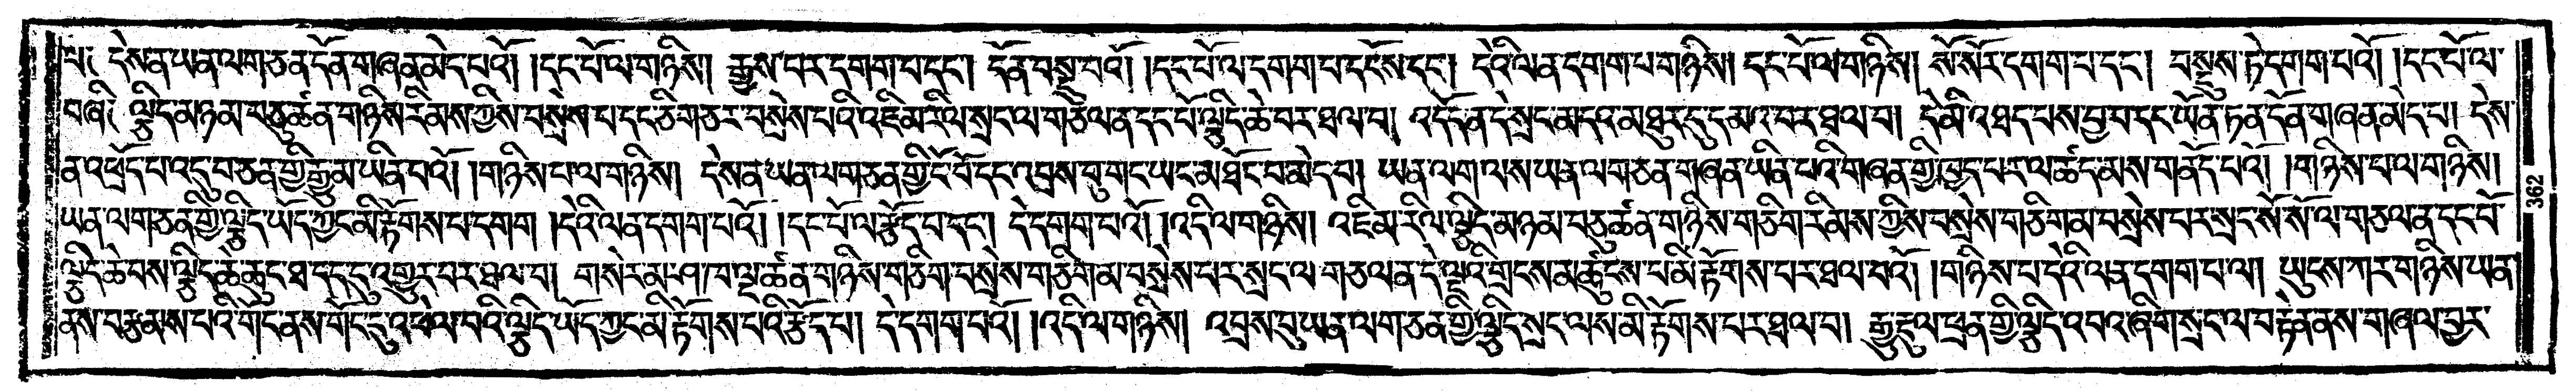པ། དེས་ན་ཡན་ལག་ཅན་དོན་གཞན་མེད་པའོ། །དང་པོ་ལ་གཉིས། རྒྱས་པར་དགག་པ་དང་། དོན་བསྡུ་བའོ། །དང་པོ་ལ་དགག་པ་དངོས་དང་། དེའི་ལན་དགག་པ་གཉིས། དང་པོ་ལ་གཉིས། སོ་སོར་དགག་པ་དང་། བསྡུས་ཏེ་དགག་པའོ། །དང་པོ་ལ་
བཞི། ལྕིད་མཉམ་བཅུ་ཚན་གཉིས་རིམས་ཀྱིས་བསྲེས་པ་དང་ཅིག་ཅར་བསྲེས་པའི་འཇིམ་རིལ་སྲང་ལ་གཅལ་ན་དང་པོ་ལྕིད་ཆེ་བར་ཐལ་བ། འདོད་ན་དེ་སྲང་མདའ་མཐུར་དུ་དམའ་བར་ཐལ་བ། དེ་མི་འཐད་པས་བྱ་བ་དང་ཡོན་ཏན་དོན་གཞན་མེད་པ། དེས་
ན་འཕྲོད་པ་འདུ་བ་ཅན་གྱི་རྒྱུ་མ་ཡིན་པའོ། །གཉིས་པ་ལ་གཉིས། དེས་ན་ཡན་ལག་ཅན་གྱི་ངོ་བོ་དང་འབྲས་བུ་གང་ཡང་མཐོང་བ་མེད་པ། ཡན་ལག་ལས་ཡན་ལག་ཅན་གཞན་ཡིན་པའི་གཞན་གྱི་ཁྱད་པར་ལ་ཚད་མས་གནོད་པའོ། །གཉིས་པ་ལ་གཉིས།
ཡན་ལག་ཅན་གྱི་ལྕིད་ཡོད་ཀྱང་མི་རྟོགས་པ་དགག །དེའི་ལན་དགག་པའོ། །དང་པོ་ལ་རྩོད་པ་དང་། དེ་དགག་པའོ། །འདི་ལ་གཉིས། འཇིམ་རིལ་ལྕིད་མཉམ་བཅུ་ཚན་གཉིས་གཅིག་རིམས་ཀྱིས་བསྲེས་གཅིག་མ་བསྲེས་པར་སྲང་སོ་སོ་ལ་གཅལ་ན་དང་པོ་
ལྕིད་ཆེ་བས་ལྕིད་ཆེ་ཆུང་ཐ་དད་དུ་འགྱུར་བར་ཐལ་བ། གསེར་མ་ཤ་ཁ་ལྔ་ཚན་གཉིས་གཅིག་བསྲེས་གཅིག་མ་བསྲེས་པར་སྲང་ལ་གཅལ་ན་དེ་ལྔའི་གྲངས་མཚུངས་པ་མི་རྟོགས་པར་ཐལ་བའོ། །གཉིས་པ་དེའི་ལན་དགག་པ་ལ། ཡུངས་ཀར་གཉིས་ཡན་
ནས་བརྩམས་པའི་གོང་ནས་གོང་དུ་འཕེལ་བའི་ལྕིད་ཡོད་ཀྱང་མི་རྟོགས་པའི་རྩོད་པ། དེ་དགག་པའོ། །འདི་ལ་གཉིས། འབྲས་བུ་ཡན་ལག་ཅན་གྱི་ལྕིད་སྲང་ལས་མི་རྟོགས་པར་ཐལ་བ། རྒྱུ་རྡུལ་ཕྲན་གྱི་ལྕིད་འབའ་ཞིག་སྲང་ལ་བརྟེན་ནས་གཞལ་བྱར་